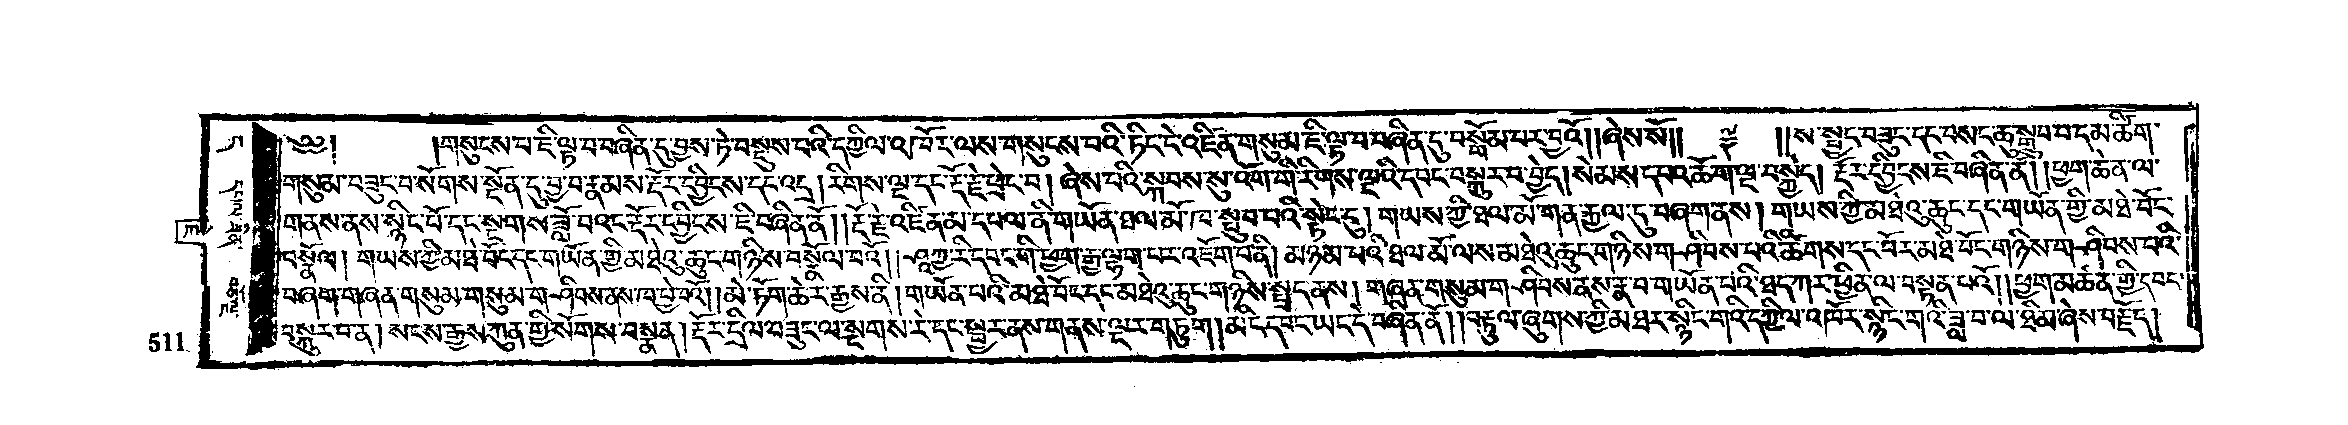༄༅། །གསུངས་པ་ཇི་ལྟ་བ་བཞིན་དུ་བྱས་ཏེ་བསྡུས་པའི་དཀྱིལ་འཁོར་ལས་གསུངས་པའི་ཏིང་ངེ་འཛིན་གསུམ་ཇི་ལྟ་བ་བཞིན་དུ་བསྒོམ་པར་བྱའོ། །ཞེས་སོ།། ༈ །།ས་སྦྱང་བཟུང་དང་བསང་ཆུ་སྒྲུབ་པ་དམ་ཚིག་
གསུམ་བཟུང་བ་སོགས་སྔོན་དུ་བྱ་བ་རྣམས་རྡོར་དབྱིངས་དང་འདྲ། རིགས་ལྔ་དང་རྡོ་རྗེ་ཕྲེང་བ། ཞེས་པའི་སྐབས་སུ་འོག་གི་རིགས་ལྔའི་དབང་བསྐུར་བ་བྱེད། སེམས་དཔའ་ཆོ་ག་ལྔ་བསྐྱེད། རྡོར་དབྱིངས་ཇི་བཞིན་ནོ། །ཕྱག་ཆེན་ལ་
གནས་ནས་སྙིང་པོ་དང་སྔགས་ཟློ་བའང་རྡོར་དབྱིངས་ཇི་བཞིན་ནོ། །རྡོ་རྗེ་འཛིན་མ་དཔལ་ནི་གཡོན་ཐལ་མོ་ཁ་སྦུབ་པའི་སྟེང་དུ། གཡས་ཀྱི་ཐལ་མོ་གན་རྐྱལ་དུ་བཞག་ནས། གཡས་ཀྱི་མཐེའུ་ཆུང་དང་གཡོན་གྱི་མཐེ་བོང་
བསྣོལ། གཡས་ཀྱི་མཐེ་བོང་དང་གཡོན་གྱི་མཐེའུ་ཆུང་གཉིས་བསྣོལ་བའོ། །ཤཱཀྱ་རི་དབང་གི་ཕྱག་རྒྱ་ལྷག་པར་འཇོག་པ་ནི། མཉམ་པའི་ཐལ་མོ་ལས་མཐེའུ་ཆུང་གཉིས་གཤིབས་པའི་ཚིགས་དང་པོར་མཐེ་བོང་གཉིས་གཤིབས་པའི་
བཞག་གཞན་གསུམ་གསུམ་གཤིབས་ནས་ཁ་ཕྱེ་བའོ། །མེ་ཏོག་ཆེར་རྒྱས་ནི། གཡོན་པའི་མཐེ་བོང་དང་མཐེའུ་ཆུང་གཉིས་སྤྲད་ནས། གཞན་གསུམ་གཤིབས་ནས་རྣ་བ་གཡོན་པའི་ཐད་ཀར་ཕྱིན་ལ་བསྟན་པའོ། །ཕྱག་མཚན་གྱི་དབང་
བསྐུར་བ་ན། སངས་རྒྱས་ཀུན་གྱི་སོགས་བསྣན། རྡོར་དྲིལ་བཟུང་ལ་སྔགས་རེ་དང་སྦྱར་ནས་གནས་ལྔར་གཏུག །མིང་དབང་ཡང་དེ་བཞིན་ནོ། །བརྟུལ་ཞུགས་ཀྱི་མཐར་སྙིང་གའི་དཀྱིལ་འཁོར་སྙིང་གའི་ཟླ་བ་ལ་ཐིམ་ཞེས་བརྗོད།